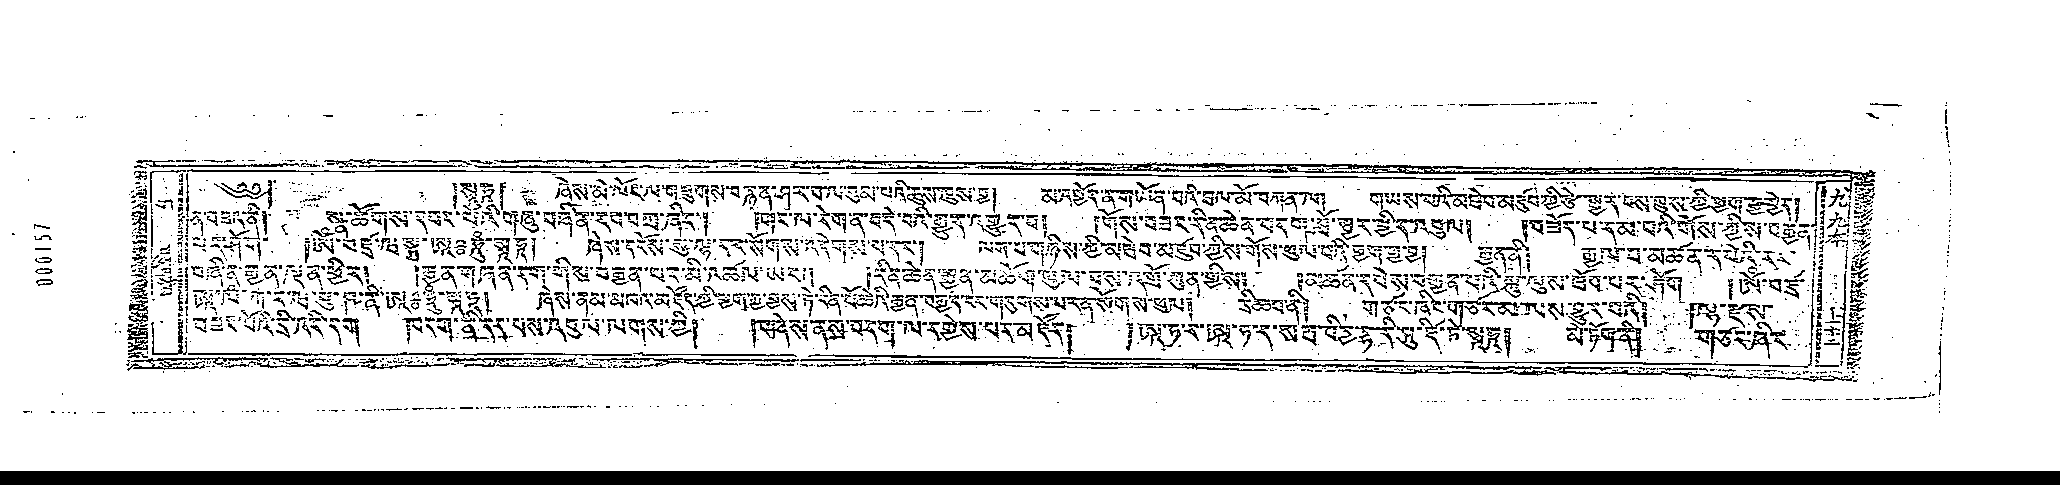༄༅། །སྭཱཧཱ། ཞེས་མེ་ལོང་ལ་གཟུགས་བརྙན་ཤར་བ་ལ་བུམ་པའི་ཆུས་ཁྲུས་བྱ། མ་འབྱོར་ན་གཡོན་པའི་ཐལ་མོ་བཀན་ལ། གཡས་པའི་མཐེབ་མཛུབ་ཀྱི་རྩེ་སྦྱར་བས་ཁྲུས་ཀྱི་ཕྱག་རྒྱ་བྱེད།
ན་བཟའ་ནི། སྣ་ཚོགས་དབང་པོའི་གཞུ་བཞིན་རབ་བཀྲ་ཞིང་། །གང་ལ་རེག་ན་བདེ་བའི་རྒྱུར་འགྱུར་པ། །གོས་བཟང་རིན་ཆེན་བདག་བློ་སྦྱད་ཕྱིར་འབུལ། །བཟོད་པ་དམ་པའི་གོས་ཀྱིས་བརྒྱན་
པར་ཤོག །ཨོཾ་བཛྲ་ཝ་སྟ་ཨཱཿ་ཧཱུཾ་སྭཱཧཱ། ཞེས་དངོས་སུ་ལྷ་དར་སོགས་འདེགས་པ་དང་། ལག་པ་གཉིས་ཀྱི་མཐེབ་མཛུབ་ཀྱིས་གོས་ཕུལ་བའི་ཕྱག་རྒྱ་བྱ། རྒྱན་ནི། རྒྱལ་བ་མཚན་དཔེའི་རང་
བཞིན་རྒྱན་ལྡན་ཕྱིར། །རྒྱན་གཞན་དག་གིས་བརྒྱན་པར་མི་འཚལ་ཡང་། །རིན་ཆེན་རྒྱན་མཆོག་ཕུལ་བས་འགྲོ་ཀུན་གྱིས། །མཚན་དཔེས་བརྒྱན་པའི་སྐུ་ལུས་ཐོབ་པར་ཤོག །ཨོཾ་བཛྲ་
ཨཱ་ལཾ་ཀ་ར་ཝ་ཕུ་ཥ་ནི་ཨཱཿ་ཧཱུཾ་སྭཱཧཱ། ཞེས་ནམ་མཁའ་མཛོད་ཀྱི་ཕྱག་རྒྱ་བྱས་ཏེ་རིན་པོ་ཆེའི་བརྒྱད་དང་གདུགས་པ་ངན་སོགས་ཕུལ། དྲི་ཆབ་ནི། གཙང་ཞིང་གཙང་མ་ལས་བྱུང་བའི། །ལྷ་རྫས་
བཟང་པོའི་དྲི་འདི་དག །བདག་ནི་དད་པས་འབུལ་ལགས་ཀྱི། །བཞེས་ནས་བདག་ལ་དགྱེས་པར་མཛོད། །ཨཱ་ཧ་ར་ཨཱ་ཧ་ར་སརྦ་བི་དྱ་བྷ་རི་པཱུ་ཛི་ཏེ་སྭཱཧཱ། མེ་ཏོག་ནི། གཙང་ཞིང་